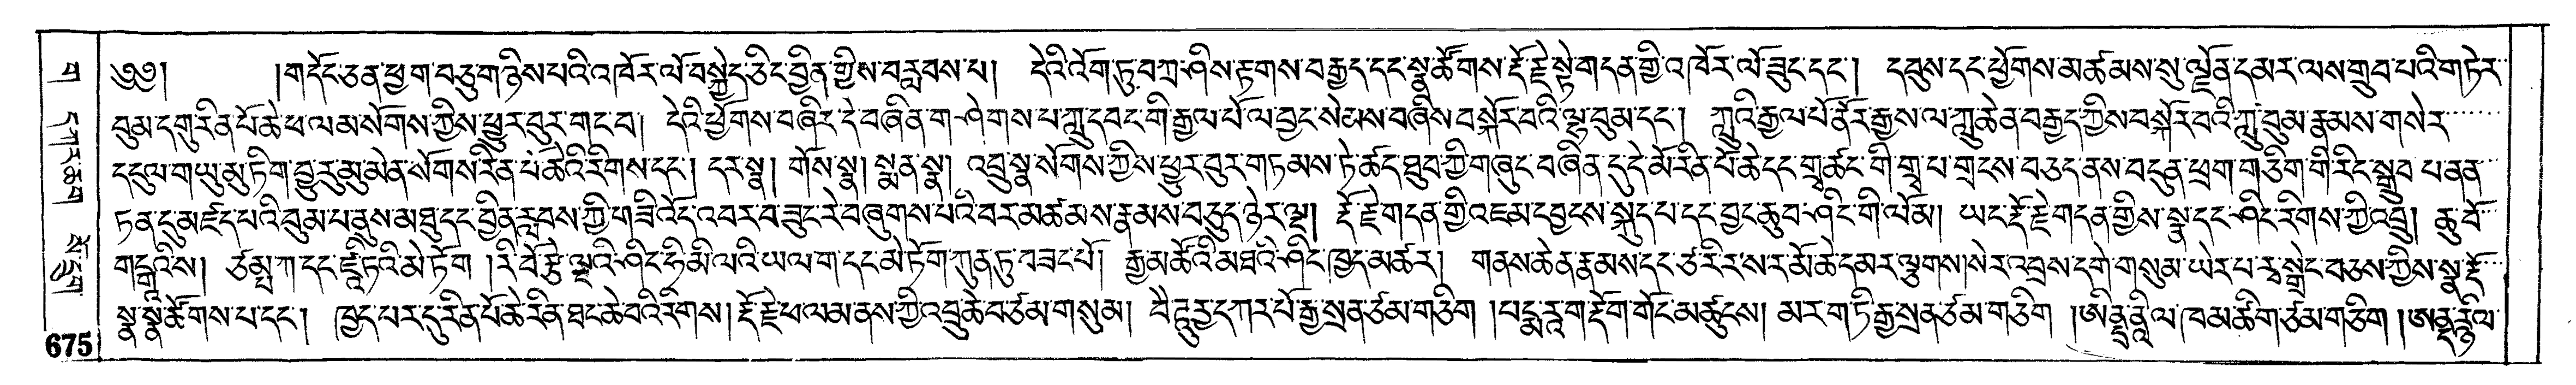༄༅། །གདོང་ཅན་ཕྱག་བཅུ་གཉིས་པའི་འཁོར་ལོ་བསྐྱེད་ཅིང་བྱིན་གྱིས་བརླབས་པ། དེའི་འོག་ཏུ་བཀྲ་ཤིས་རྟགས་བརྒྱད་དང་སྣ་ཚོགས་རྡོ་རྗེ་སྟེ་གདན་གྱི་འཁོར་ལོ་ཟུང་དང་། དབུས་དང་ཕྱོགས་མཚམས་སུ་ལྗོན་དམར་ལས་གྲུབ་པའི་གཏེར་
བུམ་དགུ་རི་པོ་ཆེ་ཕ་ལམ་ཀྱིས་ཕྱུར་བུར་གང་བ། དེའི་ཕྱོགས་བཞིར་དེ་བཞིན་གཤེགས་པ་ཀླུ་དབང་གི་རྒྱལ་པོ་ལ་བྱང་སེམས་བཞིས་བསྐོར་བའི་ལྷ་བུམ་དང་། ཀླུའི་རྒྱལ་པོ་ནོར་རྒྱས་ལ་ཀླུ་ཆེན་བརྒྱད་ཀྱིས་བསྐོར་བའི་ཀླུ་བུམ་རྣམས་གསེར་
དངུལ་གཡུ་མུ་ཏིག་བྱུ་རུ་མུ་མེན་སོགས་རིན་པོ་ཆེའི་རིགས་དང་། དར་སྣ། གོས་སྣ། སྨན་སྣ། འབྲུ་སྣ་སོགས་ཀྱིས་ཕྱུར་བུར་གཏམས་ཏེ་ཚད་ཐུབ་ཀྱི་གཞུང་བཞིན་དུ་དེ་མོ་རིན་པོ་ཆེ་དང་གྲྭ་ཚང་གི་གྲྭ་པ་གྲངས་བཅད་ནས་བདུན་ཕྲག་གཅིག་གི་རིང་སྒྲུབ་པ་ནན་
ཏན་དུ་མཛད་པའི་བུམ་བ་ནུས་མཐུ་དང་བྱིན་རླབས་ཀྱི་གཟི་འོང་འབར་བ་ཟུང་རེ་བཞུགས་པའི་བར་མཚམས་རྣམས་བཅུད་ཉེར་ལྔ། རྡོ་རྗེ་གདན་གྱི་འཇམ་དབྱངས་སྐུད་པ་དང་བྱང་ཆུབ་ཤིང་གི་ལོ་མ། ཡང་རྡོ་རྗེ་གདན་གྱི་ས་སྣ་དང་ཤིང་རིགས་ཀྱི་འབྲུ། ཆུ་པོ་
གངྒཱའི་ས། ཙམྤ་ཀ་དང་ཛཱ་ཏིའི་མེ་ཏོག །རི་བོ་རྩེ་ལྔའི་ཤིང་ཧི་མི་ལའི་ཡལ་ག་དང་མེ་ཏོག་ཀུན་ཏུ་བཟང་པོ། རྒྱ་མཚོའི་མཐའི་ཤིང་ཁྱད་མཚར། གནས་ཆེན་རྣམས་དང་ཙ་རི་རས་ར་མོ་ཆེ་དམར་ལྕགས། སེར་འབྲས་དགེ་གསུམ་ཡེར་པ་རྭ་སྒྲེང་བཅས་ཀྱིས་སྣ་རྡོ་
སྣ་སྣ་ཚོགས་པ་དང་། ཁྱད་པར་དུ་རིན་པོ་ཆེ་རིན་ཐང་ཆེ་བའི་རིགས། རྡོ་རྗེ་ཕ་ལམ་ནས་ཀྱི་འབྲུ་ཆེ་བ་ཙམ་གསུམ། བཻ་ཌཱུརྱ་དཀར་བོ་རྒྱ་སྲན་ཙམ་གཅིག །པདམ་རཱ་ག་རྡོག་གོང་མཚུངས། མ་རག་ཏི་རྒྱ་སྲན་ཙམ་གཅིག །ཨིནྡྲ་ནཱི་ལ་ཁམ་ཚིག་ཙམ་གཅིག །ཨིནྡྲ་རྙིལ་